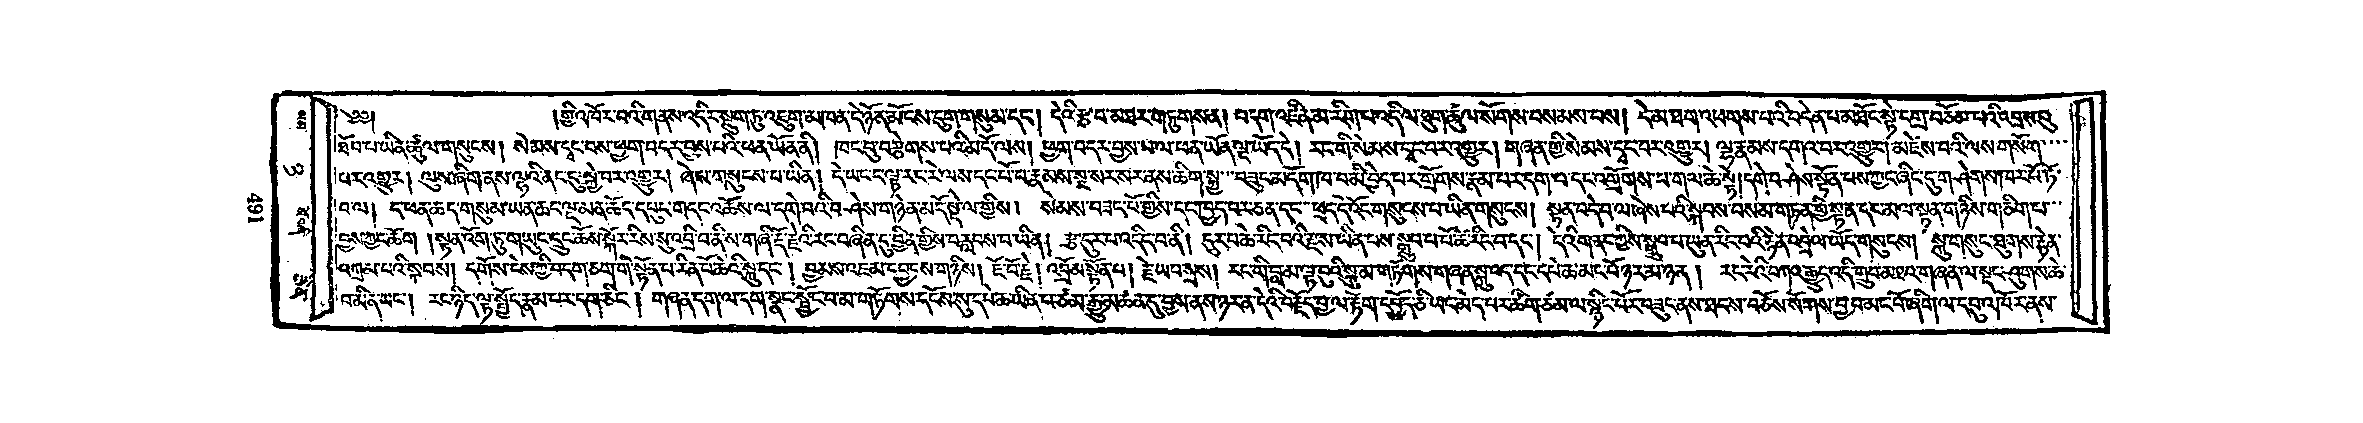༄༅། །གྱི་འཁོར་བའི་གནས་འདིར་སྡུག་ཏུ་འཇུག་མཁན་དེ་ཉོན་མོངས་དུག་གསུམ་དང་། དེའི་རྩ་བ་མཐར་གཏུགས་ན། བདག་འཛིན་མ་རིག་པ་འདི་ལ་ཐུག་ཚུལ་སོགས་བསམས་པས། དེ་མ་ཐག་འཕགས་པའི་བདེན་པ་མཐོང་སྟེ་དགྲ་བཅོམ་པའི་འབྲས་བུ་
ཐོབ་པ་ཡིན་ཚུལ་གསུངས། སེམས་དྭང་བས་ཕྱག་བདར་བྱས་པའི་ཕན་ཡོན་ནི། ཁང་བུ་བརྩེགས་པའི་མདོ་ལས། ཕྱག་བདར་བྱས་པ་ལ་ཕན་ཡོན་ལྔ་ཡོད་དེ། རང་གི་སེམས་དྭང་བར་འགྱུར། གཞན་གྱི་སེམས་དྭང་བར་འགྱུར། ལྷ་རྣམས་དགའ་བར་འགྱུར། མཛེས་པའི་ལས་གསོག་
པར་འགྱུར། ལུས་ཞིག་ནས་ལྷའི་ནང་དུ་སྐྱེ་བར་འགྱུར། ཞེས་གསུངས་པ་ཡིན། དེ་ཡང་ད་ལྟ་རང་རེ་ལས་དང་པོ་པ་རྣམས་སྔ་སར་སར་ནས་ཆིག་སྐྱ་བཟུང་མདོག་ཁ་བ་མི་བྱེད་པར་གྲོགས་རྣམ་པར་དག་པ་དང་འགྲོགས་པ་གལ་ཆེ་སྟེ། དགེ་བཤེས་སྟོན་པས་ཀྱང་ཞིང་དུ་གཤེགས་ཁར་པོ་ཏོ་
བ་ལ། ད་ཕན་ཆད་གསུམ་ཡན་ཆད་ལྔ་མན་ཆོད་དཔུང་གདང་འཆོས་ལ་དགེ་བའི་བཤེས་གཉེན་མདོ་སྡེ་ལ་གྱིས། སེམས་བཟང་པོ་གྱིས་དང་ཁྱད་པར་ཅན་དང་ཕྲད་དེ་འོང་གསུངས་པ་ཡིན་གསུངས། སྟན་བདེ་བ་ལ་ཞེས་པའི་སྐབས་བསམ་གཏན་གྱི་སྟན་དང་མལ་སྟན་གཉིས་གཅིག་པ་
བྱས་ཀྱང་ཆོག །སྟན་འོག་ཏུ་གཡུང་དྲུང་ཆོས་སྐོར་རིས་སུ་འབྲི་བ་ནི་ས་གཞི་རྡོ་རྗེའི་རང་བཞིན་དུ་བྱིན་གྱིས་བརླབས་པ་ཡིན། རྩ་དུར་པ་འདིད་པ་ནི། དུར་པ་ཆེ་རིང་བའི་རྫས་ཡིན་པས་སྒྲུབ་པ་པོ་ཚེ་རིང་བ་དང་། དེའི་གནང་ཀྱིས་སྒྲུབ་པ་ཡུན་རིང་བའི་རྟེན་འབྲེལ་ཡོད་གསུངས། སྐུ་གསུང་ཐུགས་རྟེན་
བཀྲམ་པའི་སྐབས། དགོས་ངེས་ཀྱི་བདག་ཅག་གི་སྟོན་པ་རིན་པོ་ཆེའི་སྐུ་དང་། བྱམས་འཇམ་དབྱངས་གཉིས། ཇོ་བོ་རྗེ། འབྲོམ་སྟོན་པ། རྗེ་ཡབ་སྲས། རང་གི་བླ་མ་ལྟ་བུའི་སྐུ་མ་གཏོགས་གཞན་སྐུ་འདི་དང་དཔེ་ཆ་མང་པོ་ཉར་མ་ཉན། རང་རེའི་བཀའ་རྒྱུད་འདི་གྲུབ་མཐའ་གཞན་ལ་སྡང་ཤུགས་ཆེ་
བ་མིན་ཡང་། རང་ཉིད་ལྟ་སྤྱོད་རྣམ་པར་དག་ཅིང་། གཞན་དག་ལ་དག་སྣང་སྦྱོང་བ་མ་གཏོགས་དངོས་སུ་དཔེ་ཆ་ཡིན་པ་ཙམ་རྒྱུ་མཚན་དུ་བྱས་ནས་ཉར་ན་དེའི་བརྗོད་བྱ་ལ་རྟོག་དཔྱོད་ཅི་ཡང་མེད་པར་ཚིག་ཙམ་ལ་སྙིང་པོར་བཟུང་ནས་ཐབས་བཅོས་སོགས་བྱ་བ་མང་པོ་ཞིག་ལ་དབུ་འཁོར་ནས་